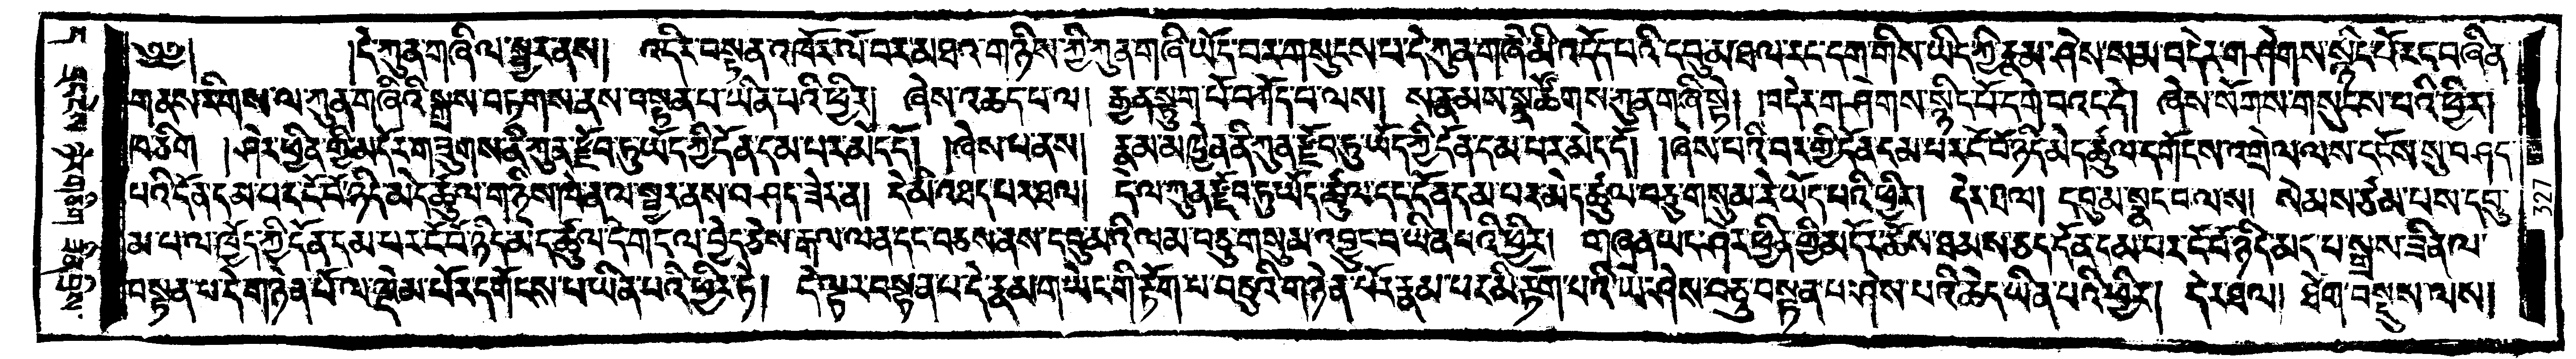༄༅། །དེ་ཀུན་གཞི་ལ་སྦྱར་ནས། འདིར་བསྟན་འཁོར་ལོ་བར་མཐའ་གཉིས་ཀྱི་ཀུན་གཞི་ཡོད་པར་གསུངས་པ་དེ་ཀུན་གཞི་མི་འདོད་པའི་དབུ་མ་ཐལ་རང་དག་གིས་ཡིད་ཀྱི་རྣམ་ཤེས་སམ་བདེར་གཤེགས་སྙིང་པོ་རང་བཞིན་
གནས་རིགས་ལ་ཀུན་གཞིའི་སྒྲས་བཏགས་ནས་བསྟན་པ་ཡིན་པའི་ཕྱིར། ཞེས་འཆད་པ་ལ། རྒྱན་སྟུག་པོ་བཀོད་པ་ལས། ས་རྣམས་སྣ་ཚོགས་ཀུན་གཞི་སྟེ། །བདེར་གཤེགས་སྙིང་པོ་དགེ་བའང་དེ། ཞེས་སོགས་གསུངས་པའི་ཕྱིར།
ཁ་ཅིག །ཤེར་ཕྱིན་གྱི་མདོར་གཟུགས་ནི་ཀུན་རྫོབ་ཏུ་ཡོད་ཀྱི་དོན་དམ་པར་མེད་དོ། །ཞེས་པ་ནས། རྣམ་མཁྱེན་ནི་ཀུན་རྫོབ་ཏུ་ཡོད་ཀྱི་དོན་དམ་པར་མེད་དོ། །ཞེས་པའི་བར་གྱི་དོན་དམ་པར་ངོ་བོ་ཉིད་མེད་ཚུལ་དགོངས་འགྲེལ་ལས་དངོས་སུ་བཤད་
པའི་དོན་དམ་པར་ངོ་བོ་ཉིད་མེད་ཚུལ་གཉིས་ཁེ་ན་ལ་སྦྱར་ནས་བཤད་ཟེར་ན། དེ་མི་འཐད་པར་ཐལ། དེ་ལ་ཀུན་རྫོབ་ཏུ་ཡོད་ཚུལ་དང་དོན་དམ་པར་མེད་ཚུལ་བཅུ་གསུམ་རེ་ཡོད་པའི་ཕྱིར། དེར་ཐལ། དབུ་མ་སྣང་བ་ལས། སེམས་ཙམ་པས་དབུ་
མ་པ་ལ་ཁྱོད་ཀྱི་དོན་དམ་པར་ངོ་བོ་ཉིད་མེད་ཚུལ་དེ་གང་ལ་བྱེད་ཅེས་རྒལ་ལན་དང་བཅས་ནས་དབུ་མའི་ལམ་བཅུ་གསུམ་འབྱུང་བ་ཡིན་པའི་ཕྱིར། གཞན་ཡང་ཤེར་ཕྱིན་གྱི་མདོར་ཆོས་ཐམས་ཅད་དོན་དམ་པར་ངོ་བོ་ཉིད་མེད་པ་སྒྲས་ཟིན་ལ་
བསྟན་པ་དེ་གཉེན་པོ་ལ་ལྡེམ་པོར་དགོངས་པ་ཡིན་པའི་ཕྱིར་ཏེ། དེ་ལྟར་བསྟན་པ་དེ་རྣམ་གཡེང་གི་རྟོག་པ་བཅུའི་གཉེན་པོར་རྣམ་པར་མི་རྟོག་པའི་ཡེ་ཤེས་བཅུ་བསྟན་པ་ཤེས་པའི་ཆེད་ཡིན་པའི་ཕྱིར། དེར་ཐལ། ཐེག་བསྡུས་ལས།